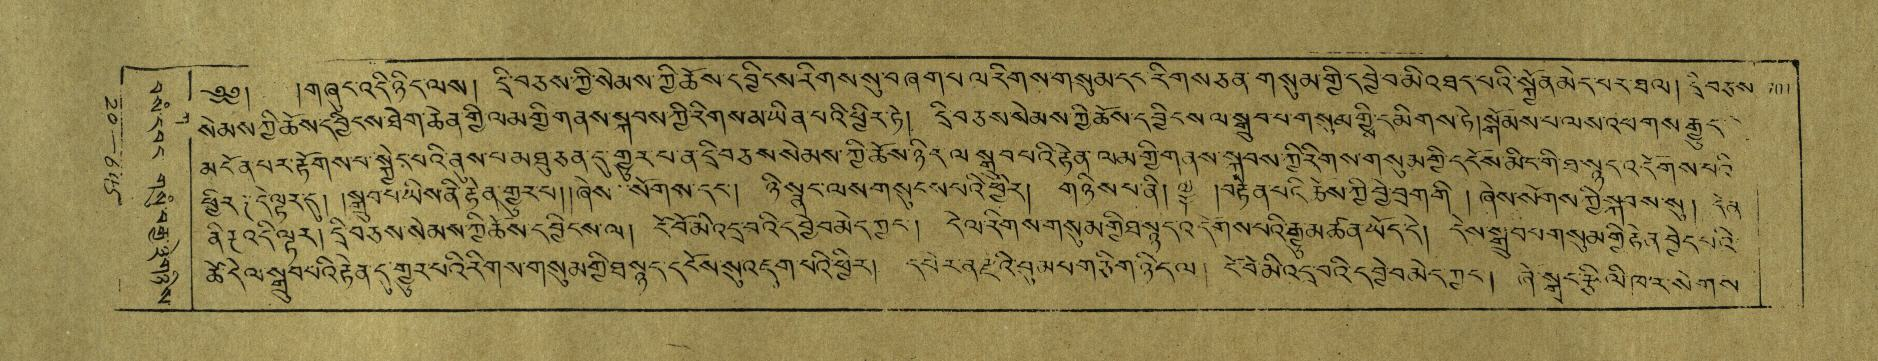༄༅། །གཞུང་འདི་ཉིད་ལས། དྲི་བཅས་ཀྱི་སེམས་ཀྱི་ཆོས་དབྱིངས་རིགས་སུ་བཞག་པ་ལ་རིགས་གསུམ་དང་རིགས་ཅན་གསུམ་གྱི་དབྱེ་བ་མི་འཐད་པའི་སྐྱོན་མེད་པར་ཐལ། དྲི་བཅས་
སེམས་ཀྱི་ཆོས་དབྱིངས་ཐེག་ཆེན་གྱི་ལམ་གྱི་གནས་སྐབས་ཀྱི་རིགས་མ་ཡིན་པའི་ཕྱིར་ཏེ། དྲི་བཅས་སེམས་ཀྱི་ཆོས་དབྱིངས་ལ་སྒྲུབ་པ་གསུམ་གྱིས་དམིགས་ཏེ། སྒོམས་པ་ལས་འཕགས་རྒྱུད་
མངོན་པར་རྟོགས་པ་སྐྱེད་པའི་ནུས་པ་མཐུ་ཅན་དུ་གྱུར་པ་ན་དྲི་བཅས་སེམས་ཀྱི་ཆོས་ཉིད་ལ་སྒྲུབ་པའི་རྟེན་ལམ་གྱི་གནས་སྐབས་ཀྱི་རིགས་གསུམ་གྱི་དངོས་མིང་གི་ཐ་སྙད་འདོགས་པའི་
ཕྱིར༑ དེ་ལྟར་དུ། །སྒྲུབ་པ་ཡིས་ནི་རྟེན་གྱུར་པ། །ཞེས་སོགས་དང་། ཉི་སྣང་ལས་གསུངས་པའི་ཕྱིར། གཉིས་པ་ནི། ༈ །བརྟེན་པའི་ཆོས་ཀྱི་བྱེ་བྲག་གི །ཞེས་སོགས་ཀྱི་སྐབས་སུ། དོན་
ནི༑ འདི་ལྟར། དྲི་བཅས་སེམས་ཀྱི་ཆོས་དབྱིངས་ལ། ངོ་བོ་མི་འདྲ་བའི་དབྱེ་བ་མེད་ཀྱང་། དེ་ལ་རིགས་གསུམ་གྱི་ཐ་སྙད་འདོགས་པའི་རྒྱུ་མཚན་ཡོད་དེ། དེས་སྒྲུབ་པ་གསུམ་གྱི་རྟེན་བྱེད་པའི་
ཚེ་དེ་ལ་སྒྲུབ་པའི་རྟེན་དུ་གྱུར་པའི་རིགས་གསུམ་གྱི་ཐ་སྙད་དངོས་སུ་འཇུག་པའི་ཕྱིར། དཔེར་ན་རྫའི་བུམ་པ་གཅིག་ཉིད་ལ། ངོ་བོ་མི་འདྲ་བའི་དབྱེ་བ་མེད་ཀྱང་། ཞོ་སྒྲང་རྩི་ལི་ཁ་ར་སོགས་